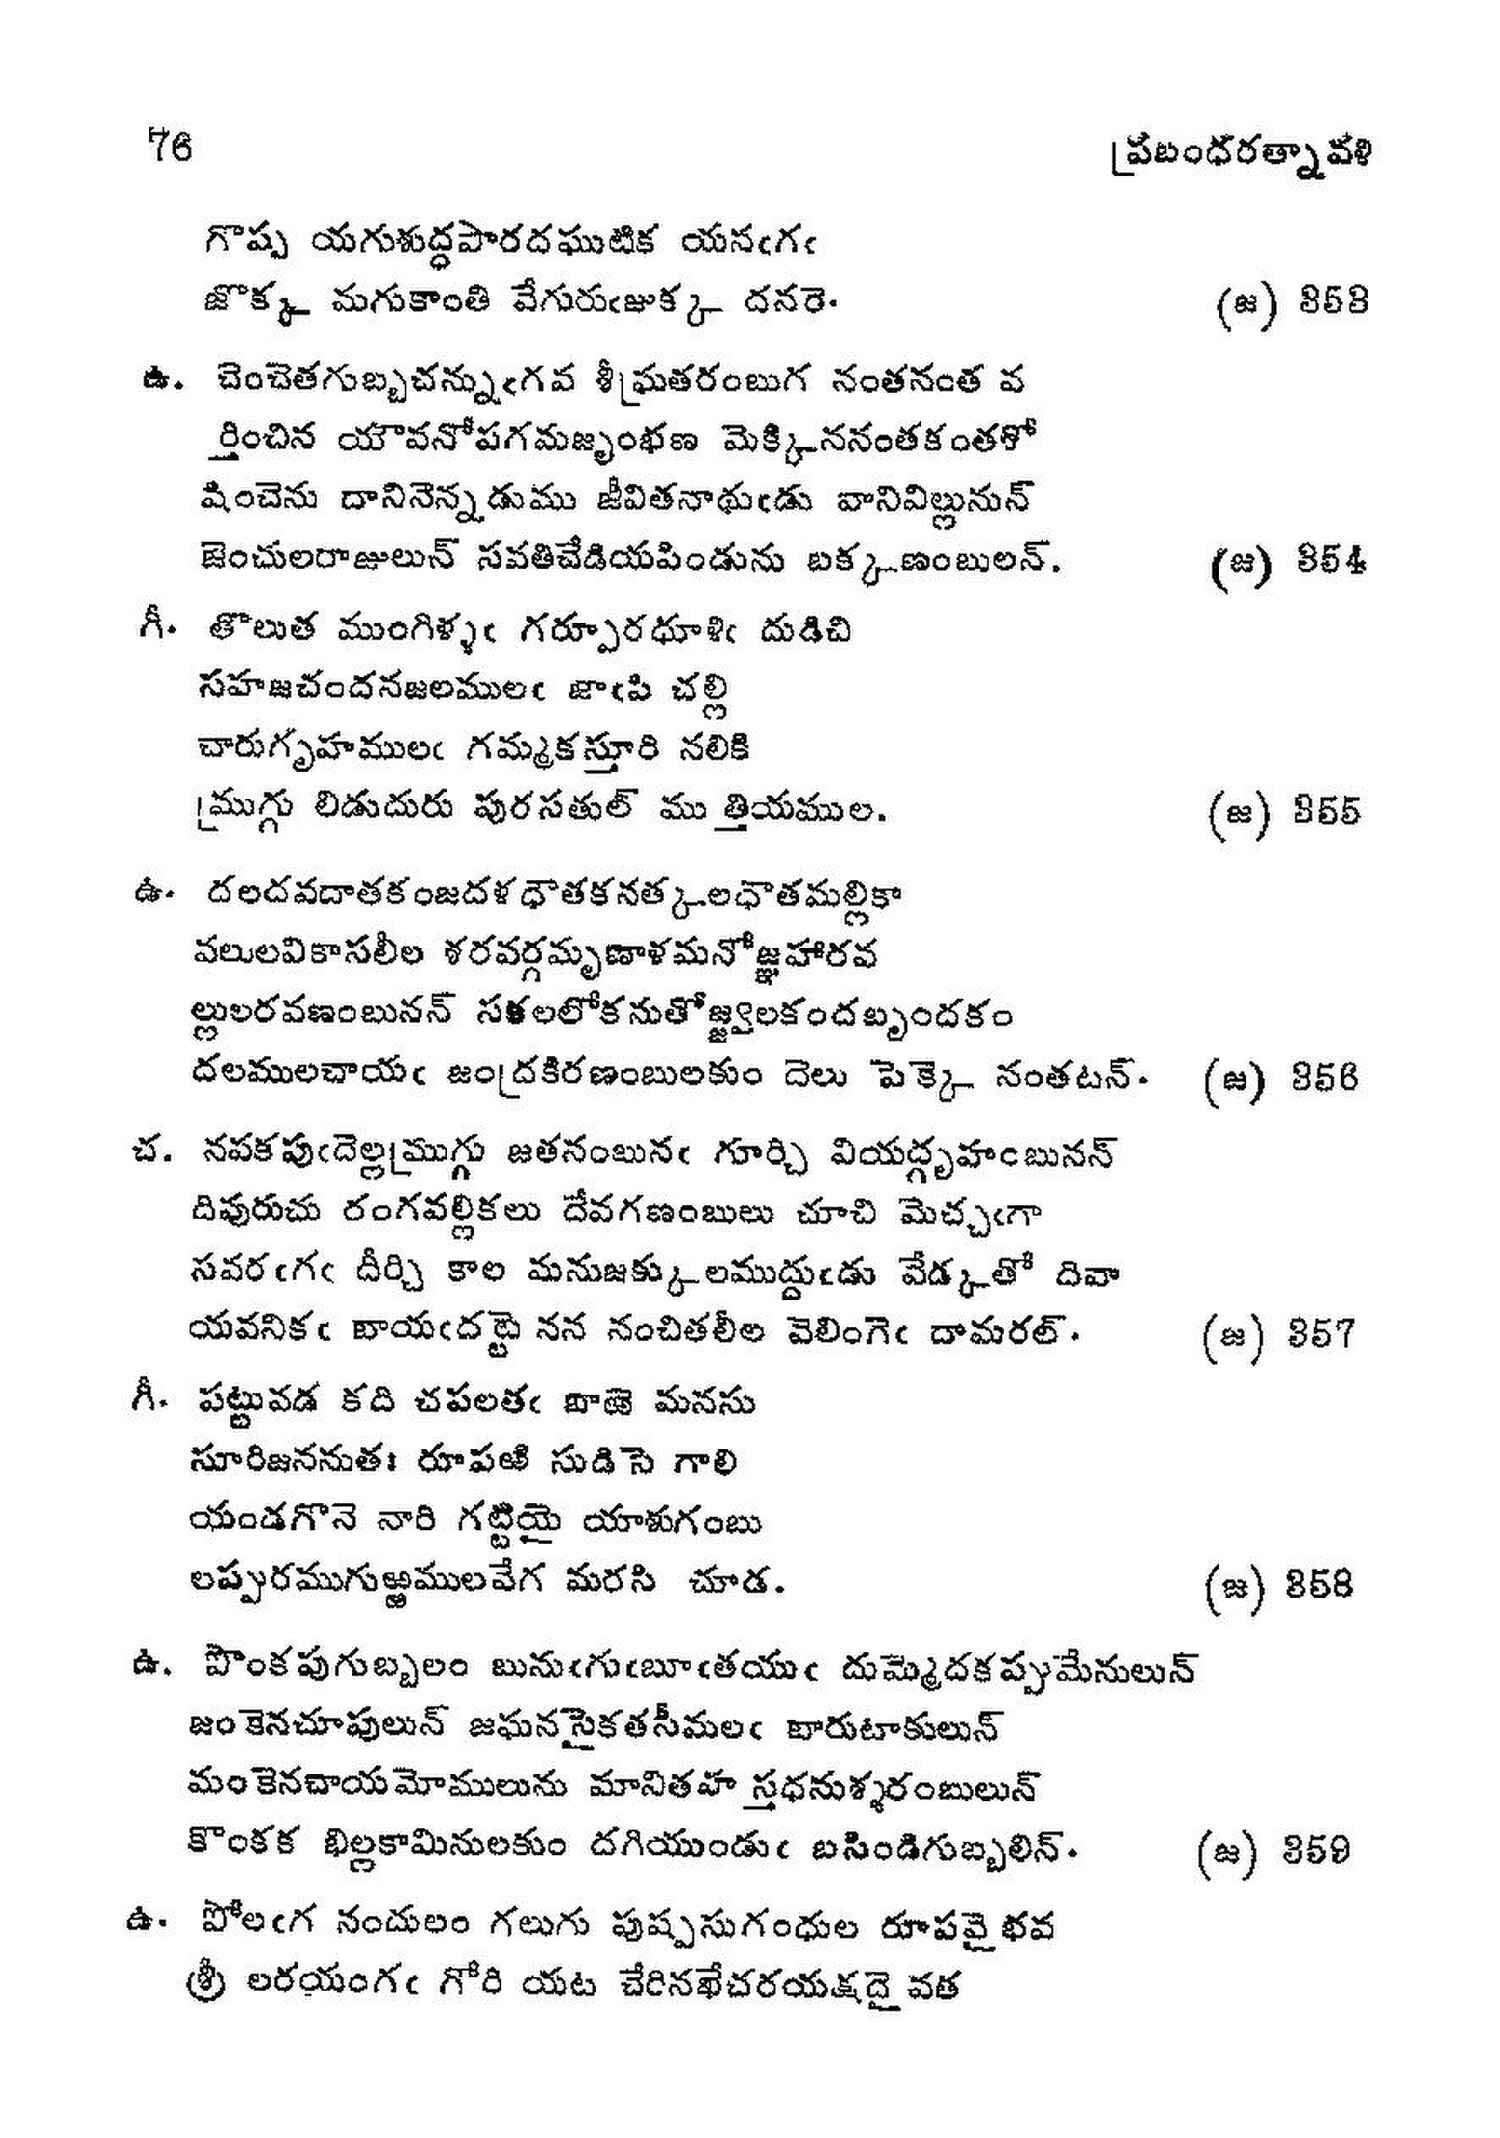గొప్పయగు శుద్ధపారదఘుటిక యనఁగఁ
జొక్కమగు కాంతి వేగురుఁజుక్క దనరె. (జ) 353

ఉ. చెంచెతగుబ్బచన్నుఁగవ శీఘ్రతరంబుగ నంతనంత వ
ర్తించిన యౌవనోపగమ జృంభణమెక్కిన నంతకంత శో
షించెను దానినెన్నడుము జీవితనాథుఁడు వానివిల్లునున్
జెంచులరాజులున్ సవతిచేడియపిండును బక్కణంబులన్. (జ) 354

గీ. తొలుత ముంగిళ్ళఁ గర్పూరధూళిఁ దుడిచి
సహజచందనజలములఁ జాఁపి చల్లి
చారుగృహములఁ గమ్మకస్తూరి నలికి
మ్రుగ్గు లిడుదురు పురసతుల్ ముత్తియముల. (జ) 355

చ. దలదవదాత కంజదళ ధౌతకనత్కలధౌతమల్లికా
వలుల విలాసలీల శరవర్గమృణాళ మనోజ్ఞహార వ
ల్లుల రవణంబునన్ సకలలోకనుతోజ్జ్వలకందబృందకం
దళములచాయఁ జంద్రకిరణంబులకుం దెలుపెక్కె నంతటన్ (జ) 356

చ. నవకపుఁదెల్లమ్రుగ్గు జతనంబునఁ గూర్చివియద్గృహంబునన్
దివురుచు రంగవల్లికలు దేవగణంబులు చూచి మెచ్చఁగా
సవరఁగ దీర్చి కాలమను జక్కులముద్దుఁడు వేడ్కతో దివా
యవనికఁ బాయఁదట్టె నన నంచితలీల వెలింగెఁ దారకల్ (జ) 357

గీ. పట్టువడ కది చపలతఁ బాఱె మనసు
సూరిజననుత! రూపఱి సుడిసె గాలి
యండగొనె నారి గట్టియై యాశుగంబు
లప్పురముగుఱ్ఱముల వేగమరసి చూడ. (జ) 358

ఉ. పొంకపుగుబ్బలుం బునుఁగుఁబూతయుఁ దుమ్మెదకప్పుమేనులున్
జంకెనచూపులున్ జఘనసైకత సీమలఁ బారుటాకులున్
మంకెనచాయమోములును మానితహస్తధనుశ్శరంబులున్
గొంకక భిల్లకామినులకుం దగియుండుఁ బసిండిగుబ్బలిన్. (జ) 359

ఉ. పోలఁగ నందులం గలుగు పుష్పసుగంధుల రూపవైభవ
శ్రీ లరయంగఁ గోరి యట జేరిన ఖేచరయక్షదైవత